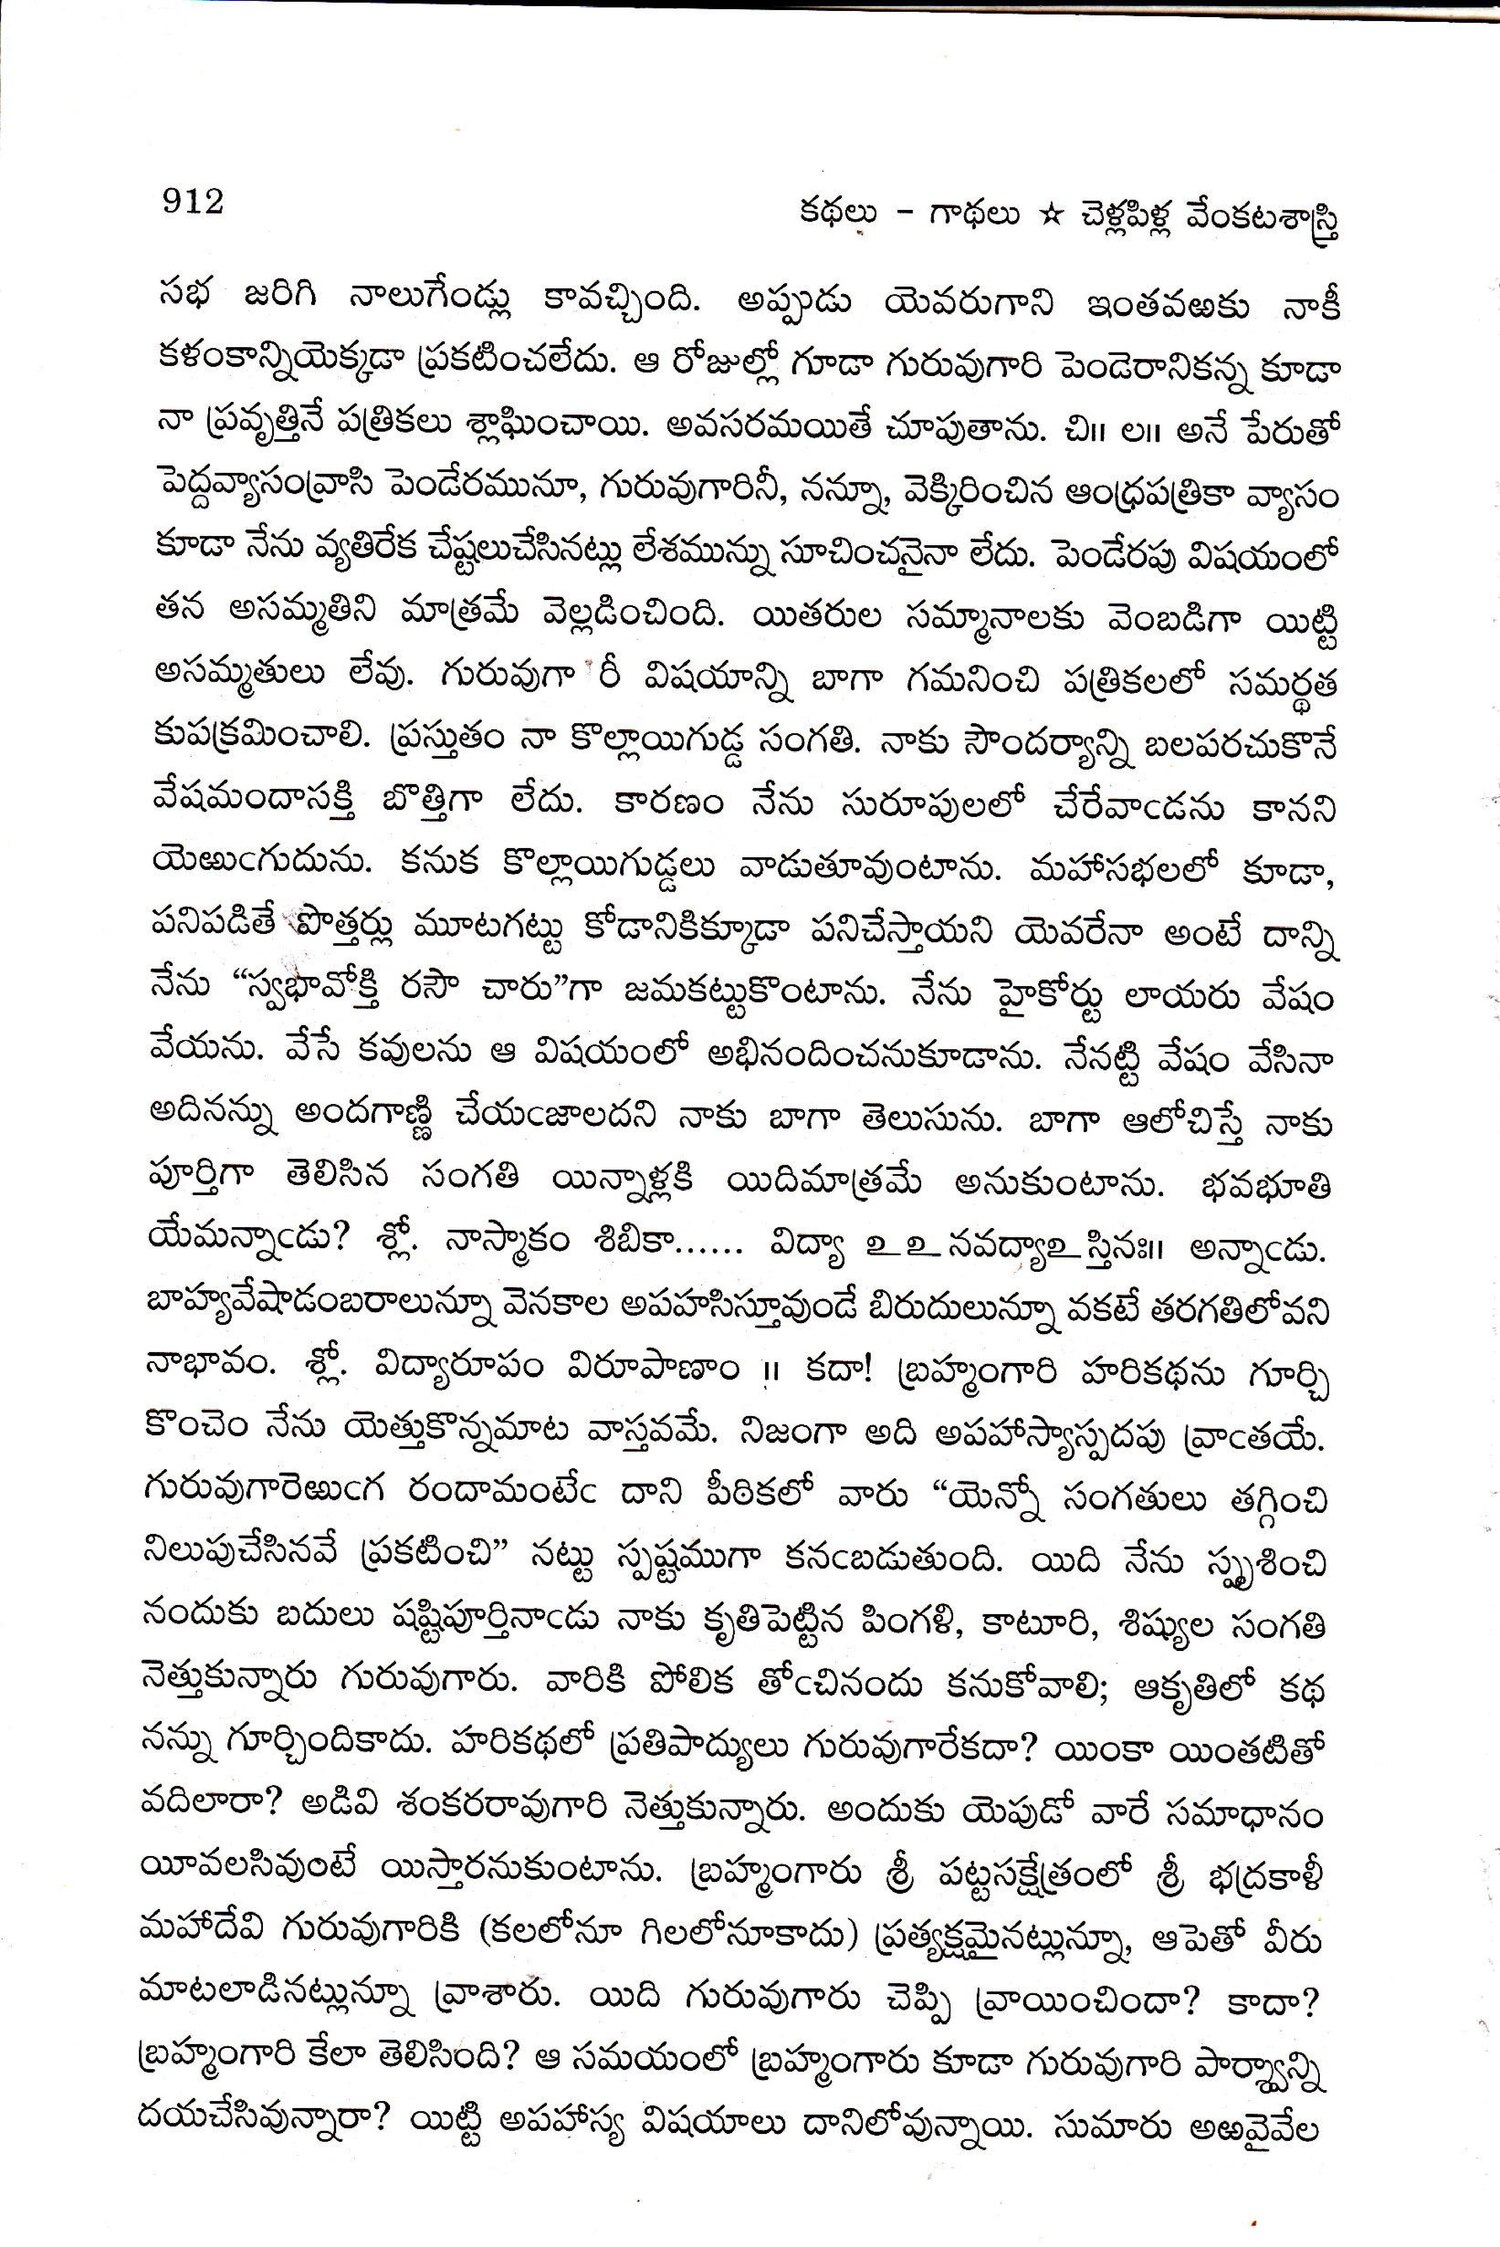సభ జరిగి నాలుగేండ్లు కావచ్చింది. అప్పుడు యెవరుగాని ఇంతవఱకు నాకీ కళంకాన్నియెక్కడా ప్రకటించలేదు. ఆ రోజుల్లో గూడా గురువుగారి పెండెరానికన్న కూడా నా ప్రవృత్తినే పత్రికలు శ్లాఘించాయి. అవసరమయితే చూపుతాను. చి|| లII అనే పేరుతో పెద్దవ్యాసంవ్రాసి పెండేరమునూ, గురువుగారినీ, నన్నూ, వెక్కిరించిన ఆంధ్రపత్రికా వ్యాసం కూడా నేను వ్యతిరేక చేష్టలుచేసినట్లు లేశమున్ను సూచించనైనా లేదు. పెండేరపు విషయంలో తన అసమ్మతిని మాత్రమే వెల్లడించింది. యితరుల సమ్మానాలకు వెంబడిగా యిట్టి అసమ్మతులు లేవు. గురువుగా రీ విషయాన్ని బాగా గమనించి పత్రికలలో సమర్థత కుపక్రమించాలి. ప్రస్తుతం నా కొల్లాయిగుడ్డ సంగతి. నాకు సౌందర్యాన్ని బలపరచుకొనే వేషమందాసక్తి బొత్తిగా లేదు. కారణం నేను సురూపులలో చేరేవాఁడను కానని యెఱుఁగుదును. కనుక కొల్లాయిగుడ్డలు వాడుతూవుంటాను. మహాసభలలో కూడా, పనిపడితే పొత్తర్లు మూటగట్టు కోడానికిక్కూడా పనిచేస్తాయని యెవరేనా అంటే దాన్ని నేను "స్వభావోక్తి రసౌ చారు"గా జమకట్టుకొంటాను. నేను హైకోర్డు లాయరు వేషం వేయను. వేసే కవులను ఆ విషయంలో అభినందించనుకూడాను. నేనట్టి వేషం వేసినా అదినన్ను అందగాణ్ణి చేయఁజాలదని నాకు బాగా తెలుసును. బాగా ఆలోచిస్తే నాకు పూర్తిగా తెలిసిన సంగతి యిన్నాళ్లకి యిదిమాత్రమే అనుకుంటాను. భవభూతి యేమన్నాఁడు? శ్లో నాస్మాకం శిబికా...... విద్యా ౽౽నవద్యా౽స్తినఃII అన్నాఁడు. బాహ్యవేషాడంబరాలున్నూ వెనకాల అపహసిస్తూవుండే బిరుదులున్నూవకటే తరగతిలోవని నాభావం. శ్లో. విద్యారూపం విరూపాణాం | కదా! బ్రహ్మంగారి హరికథను గూర్చి కొంచెం నేను యెత్తుకొన్నమాట వాస్తవమే. నిజంగా అది అపహాస్యాస్పదపు వ్రాఁతయే. గురువుగారెఱుఁగ రందామంటేఁ దాని పీఠికలో వారు “యెన్నో సంగతులు తగ్గించి నిలుపుచేసినవే ప్రకటించి" నట్టు స్పష్టముగా కనఁబడుతుంది. యిది నేను సృశించి నందుకు బదులు షష్టిపూర్తినాఁడు నాకు కృతిపెట్టిన పింగళి, కాటూరి, శిష్యుల సంగతి నెత్తుకున్నారు గురువుగారు. వారికి పోలిక తోఁచినందు కనుకోవాలి; ఆకృతిలో కథ నన్ను గూర్చిందికాదు. హరికథలో ప్రతిపాద్యులు గురువుగారేకదా? యింకా యింతటితో వదిలారా? అడివి శంకరరావుగారి నెత్తుకున్నారు. అందుకు యెపుడో వారే సమాధానం యీవలసివుంటే యిస్తారనుకుంటాను. బ్రహ్మంగారు శ్రీ పట్టసక్షేత్రంలో శ్రీ భద్రకాళీ మహాదేవి గురువుగారికి (కలలోనూ గిలలోనూకాదు) ప్రత్యక్షమైనట్లున్నూ ఆపెతో వీరు మాటలాడినట్లున్నూ వ్రాశారు. యిది గురువుగారు చెప్పి వ్రాయించిందా? కాదా? బ్రహ్మంగారి కేలా తెలిసింది? ఆ సమయంలో బ్రహ్మంగారు కూడా గురువుగారి పార్శ్వాన్ని దయచేసివున్నారా? యిట్టి అపహాస్య విషయాలు దానిలోవున్నాయి. సుమారు అఱవైవేల